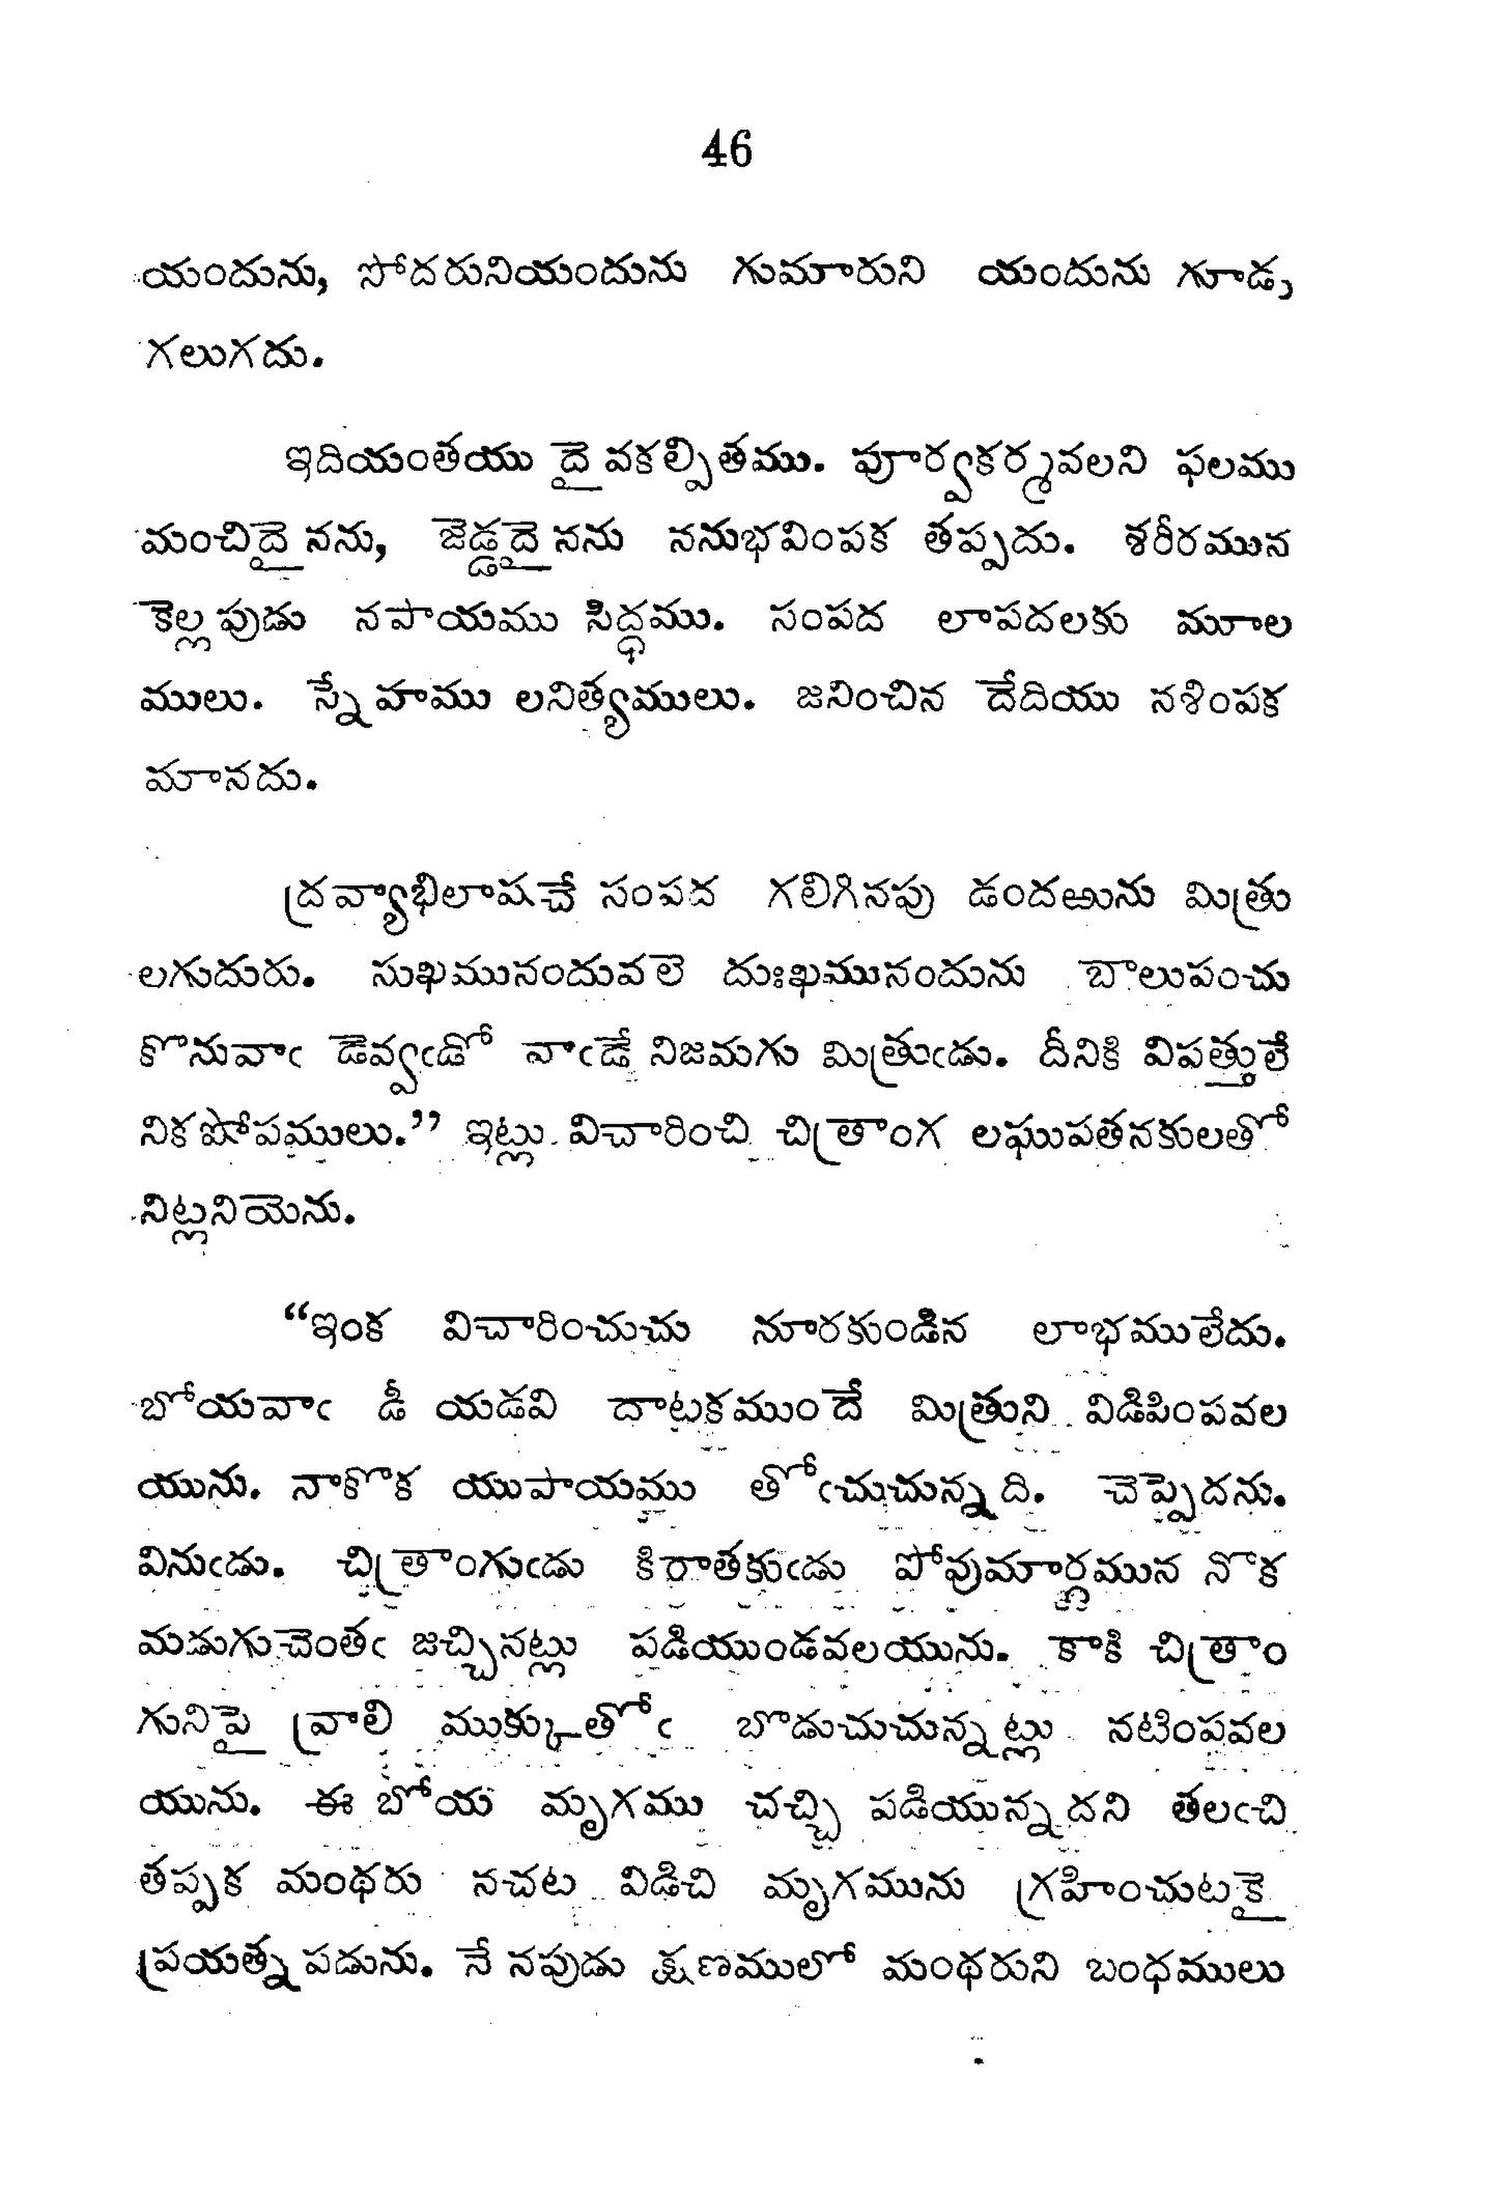యందును, సోదరునియందును గుమారుని యందును గూడ, గలుగదు.

ఇదియంతయు దైవకల్పితము. పూర్వకర్మవలని ఫలము మంచిదైనను, జెడ్డదైనను ననుభవింపక తప్పదు. శరీరమున కెల్లప్పుడు నపాయము సిద్ధము. సంపద లాపదలకు మూలములు. స్నేహము లనిత్యములు. జనించిన దేదియు నశింపక మానదు.

ద్రవ్యాభిలాషచే సంపద గలిగినపు డందఱును మిత్రులగుదురు. సుఖమునందువలె దు:ఖమునందును బాలుపంచు కొనువా డెవ్వడో వాడే నిజమగు మిత్రుడు. దీనికి విపత్తులే నికషోపములు." ఇట్లు విచారించి చిత్రాంగ లఘుపతనకులతో నిట్లనియెను.

"ఇంక విచారించుచు నూరకుండిన లాభములేదు. బోయవా డీ యడవి దాటకముందే మిత్రుని విడిపింపవలయును. నాకొక యుపాయము తోచుచున్నది. చెప్పెదను. వినుడు. చిత్రాంగుడు కిరాతకుడు పోవుమార్గమున నొక మడుగుచెంత జచ్చినట్లు పడియుండవలయును. కాకి చిత్రాంగునిపై వ్రాలి ముక్కుతో బొడుచుచున్నట్లు నటింపవలయును. ఈ బోయ మృగము చచ్చి పడియున్నదని తలచి తప్పక మంథరు నచట విడిచి మృగమును గ్రహించుటకై ప్రయత్నపడును. నే నపుడు క్షణములో మంథరుని బంధములు